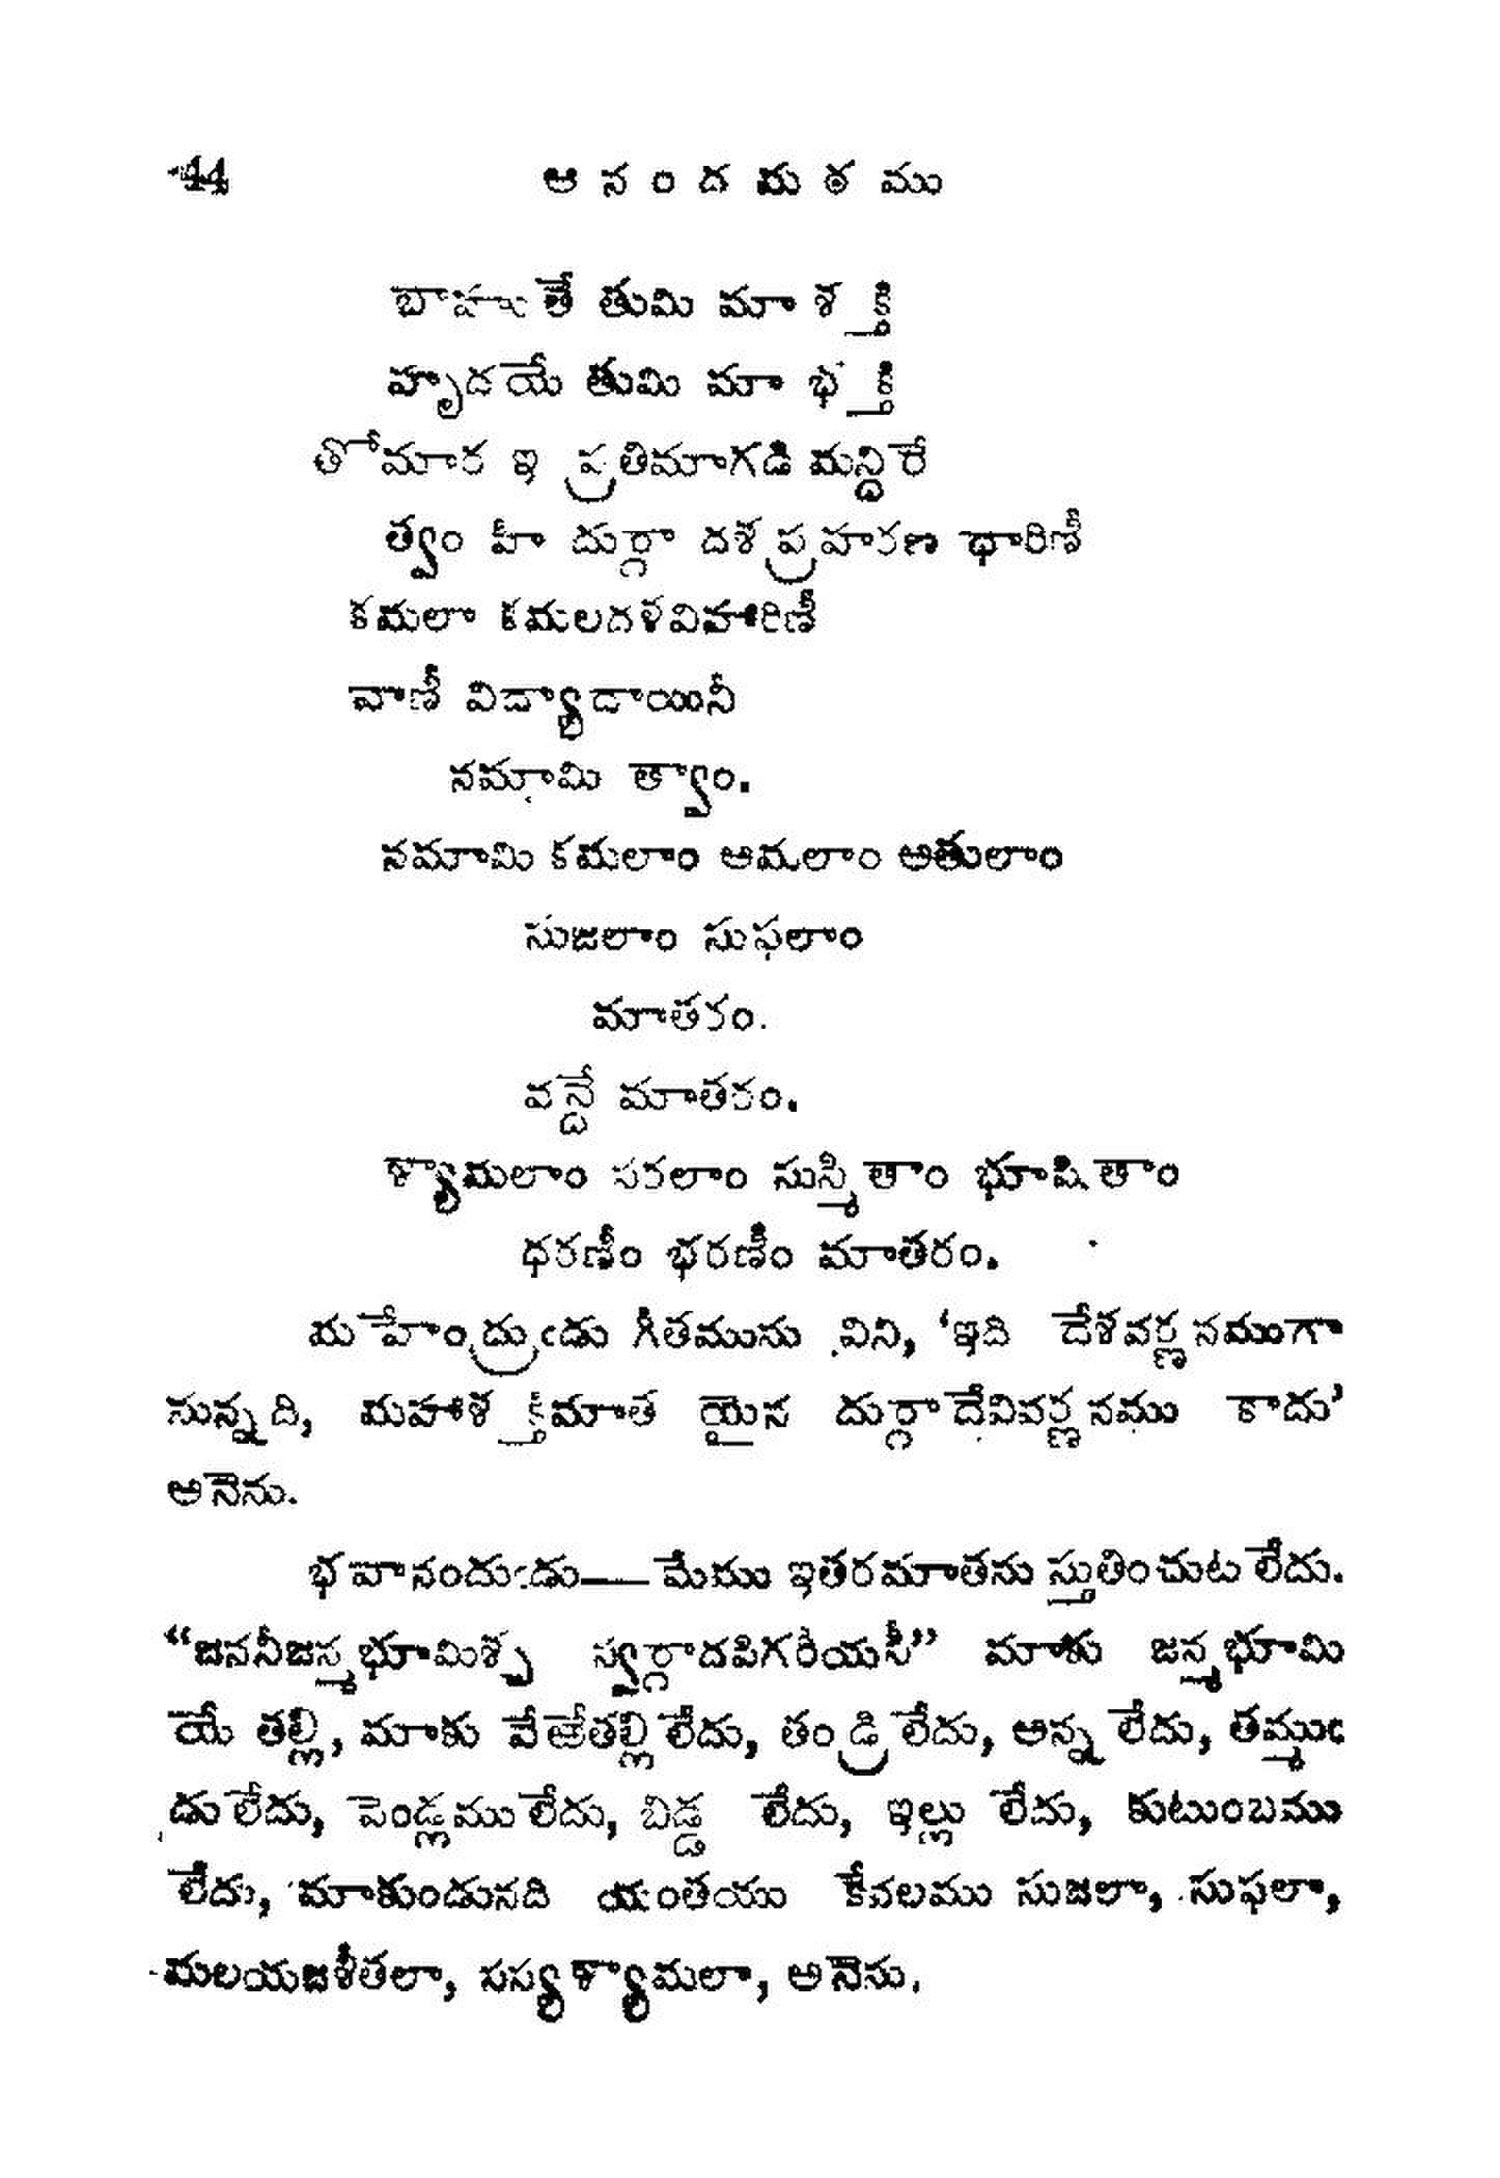మహేంద్రుఁడు గీతమును వినీ, 'ఇది దేశ వర్ణనముగా
నున్నది, మహాశక్తిమాత యైన దుర్గాదేవివర్ణనము కాదు'
అనెను.

భవానందుడు- మేము ఇతరమాతను స్తుతించుట లేదు.
“జననీజన్మభూమిశ్చ స్వర్గాదపిగరీయసీ” మాకు జన్మభూమి
యే తల్లి, మాకు వేఱేతల్లి లేదు, తండ్రి లేదు, అన్న లేదు, తమ్ముండు లేదు, పెండ్లము లేదు, బిడ్డ లేదు, ఇల్లు లేదు, కుటుంబము లేదు, 'మాకుండునది యంతయు కేవలము సుజలా, సుఫలా, మలయజ శీతలా, సస్య శ్యామలా, అనెను.